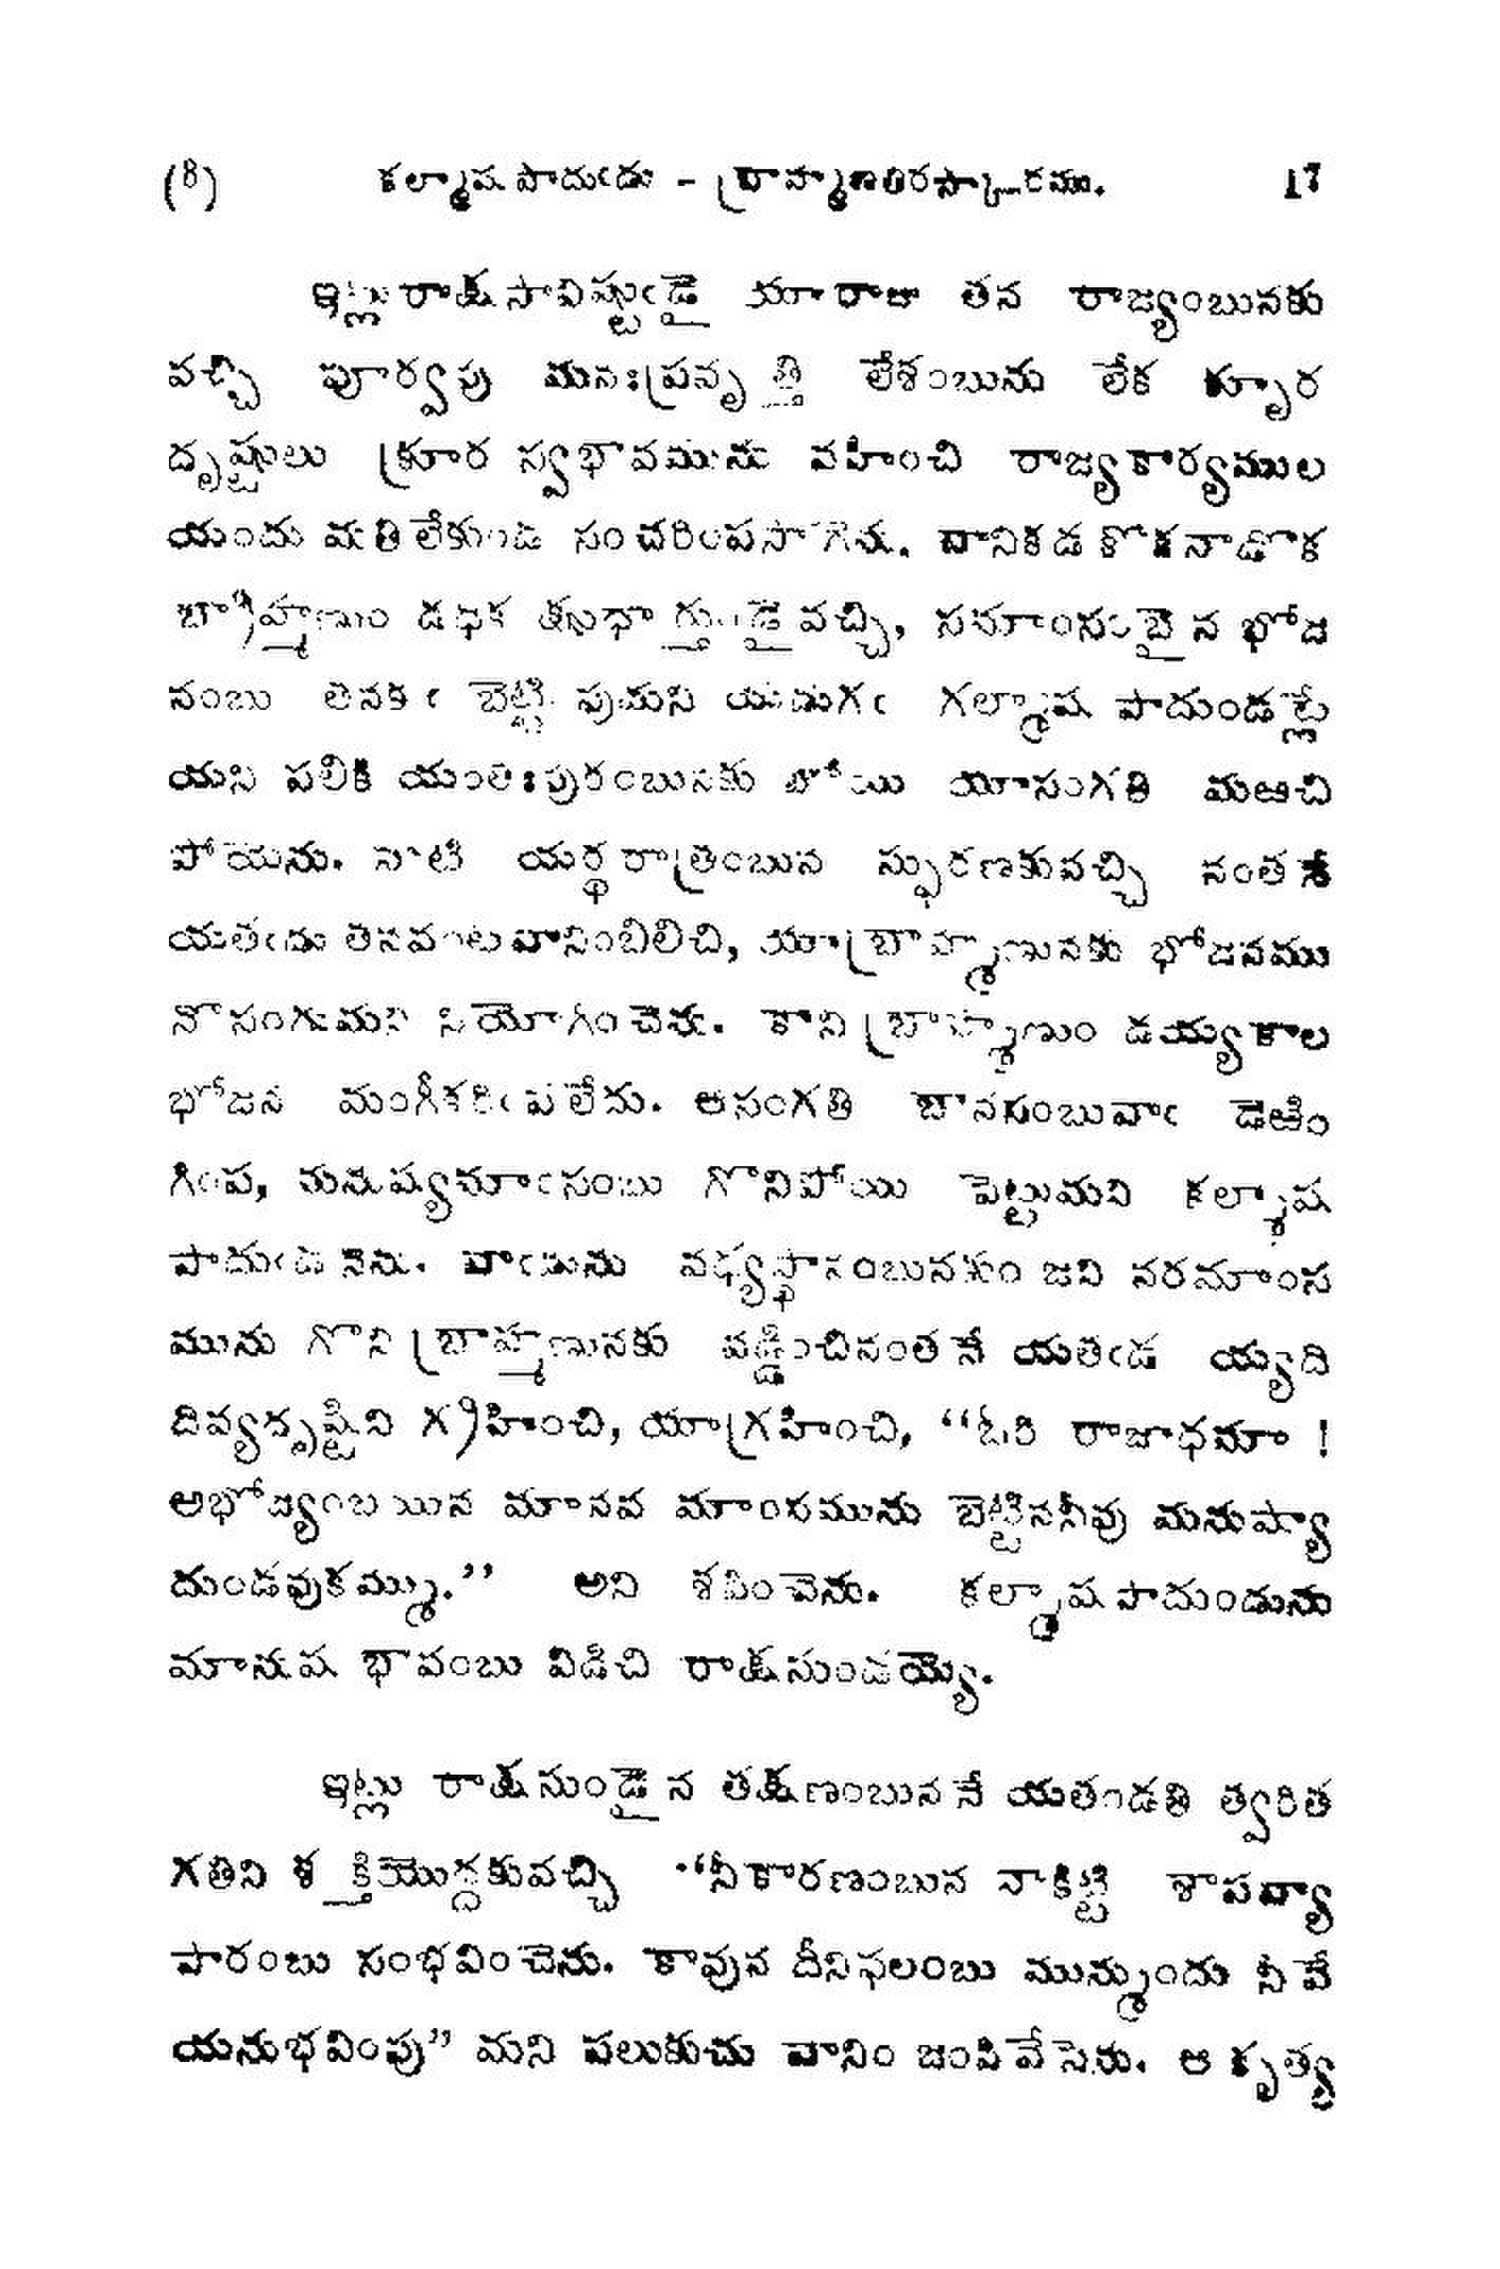ఇట్లురాక్ష సావిష్ణుఁడై రూ రాజు తన రాజ్యంబునకు వచ్చి పూర్వపు మన : ప్రవృత్తి లేశంబును లేక స్పూర దృష్టులు క్రూర స్వభావమును వహించి రాజ్య కార్యముల యందు మతి లేకుండ సంచరింపసాగాను, దానికడ రోగనాడొక బ్రాంహణుండద్కిక క్షుద్బాదకు గురై వచ్చి, సమాంసం బైన భోజనం బెట్టింపుమని యుడుగ గల్మాష పాదుండట్లే యని పలికి యం : పురంబునకు బోయి యాసంగతి మఱచి పోయెను. నా యర్థ రాత్రంబున స్ఫురణకు వచ్చి సంత నే యతను తనవల వానిం బిలిచి, మాబ్రాహ్మణునకు భోజనము నొసంగుమ?' : నియోగం చెను. కాని బ్రాంహణుం డయకాల భోజన మంగీక రింప లేదు. ఆ సంగతి బానగంబు వాఁ డెఱింప, మనుష్యమాంసం గొనిపోయి పెట్టుమని కల్మాషపాదు డనెను.వాడును వద్యస్థానంబునకుంజని నరనూంసమును గొని బ్రాహ్మణునకు వడ్డించినంత నే యతఁడ య్యది దివ్యదృష్టిని గ్రహించి, యాగ్రహించి, "ఓరి రాజధమా ! అభోజ్యంబయిన మానవ మాంగమును బెట్టిననీవు మనుష్యా దుండవుకమ్ము.” అని శపించెను. కల్శాష పాదుండును మానుష భావంబు విడిచి రాక్షసుడయ్యె..

ఇట్లు రాక్షసుండైన తక్షణంబున నే యతఁడతి త్వరిత గతిని శక్తి యొద్దకువచ్చి “నీ కారణంబున నాకి శాపద్యా పారంబు సంభవించెను. కావున దీని ఫలంబు మున్ముందు నీవే యనుభవింపు” మని పలుకుచు వానిం జంపివేసెను. ఆ కృత్య